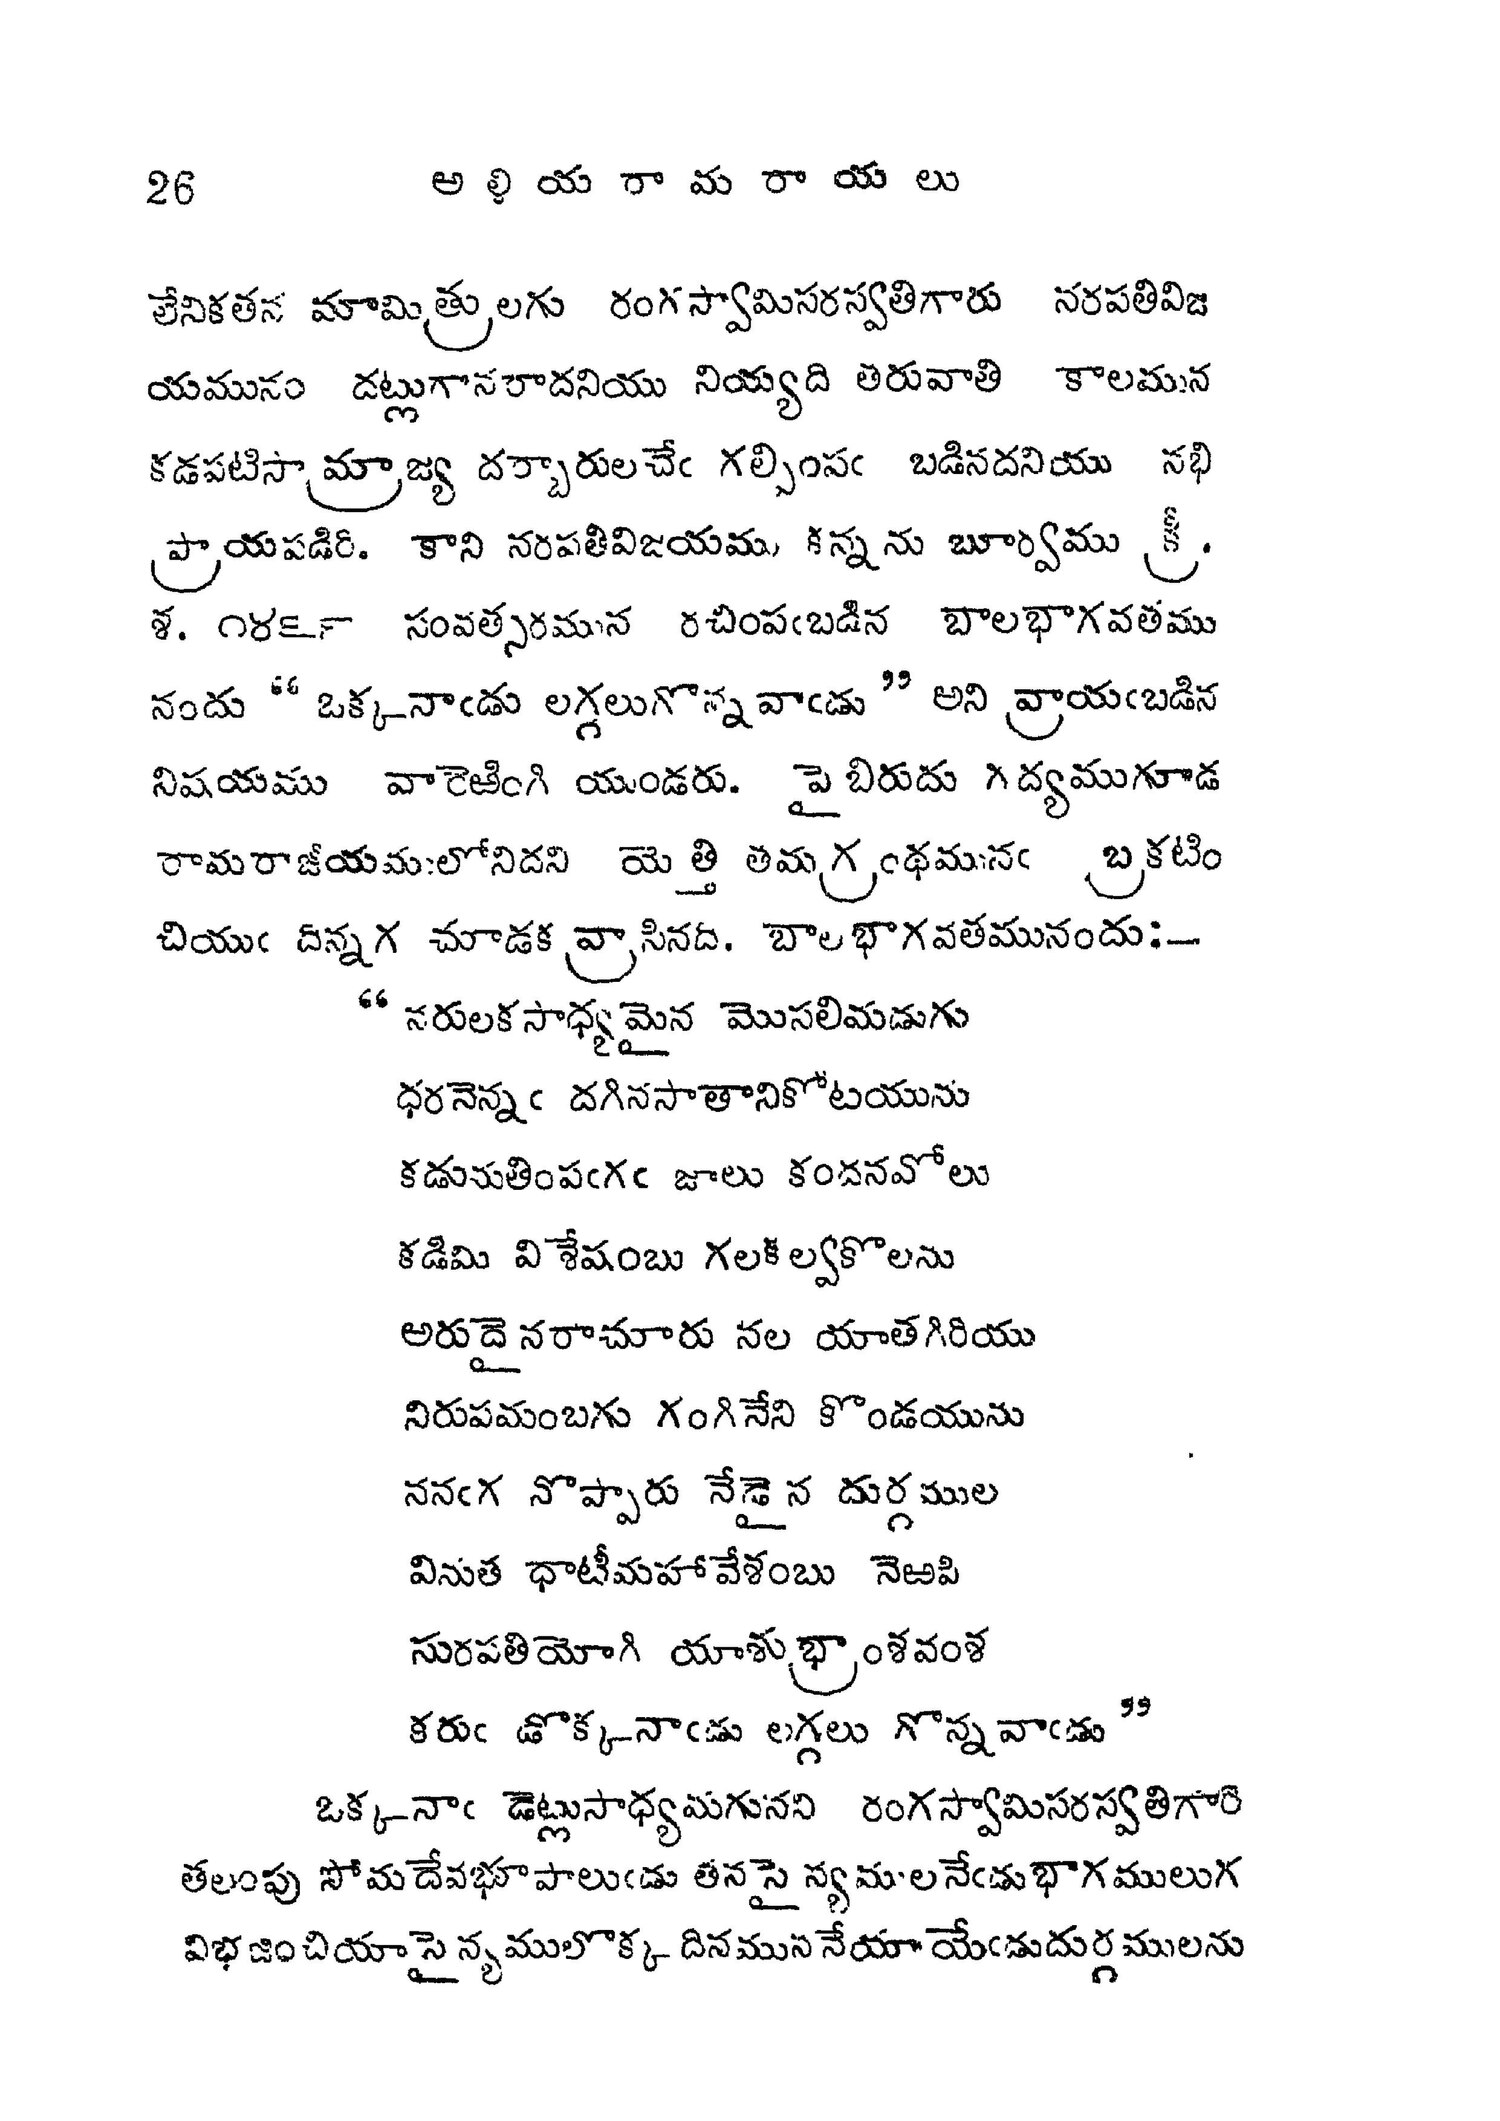లేనికతన మామిత్రులగు రంగస్వామిసరస్వతిగారు నరపతివిజయమునం దట్లుగానరాదనియు నియ్యది తరువాతి కాలమున కడపటిసామ్రాజ్య దర్బారులచే గల్పింప బడినదనియు నభిప్రాయపడిరి. కాని నరపతివిజయము కన్నను బూర్వము క్రీ. శ. 1469 సంవత్సరమున రచింపబడిన బాలభాగవతమునందు "ఒక్కనాడు లగ్గలుగొన్నవాడు" అని వ్రాయబడిన విషయము వారెఱింగి యుండరు. పైబిరుదు గద్యముగూడ రామరాజీయములోనిదని యెత్తి తమగ్రంథమున బ్రకటించియు దిన్నగ చూడకవ్రాసినది. బాలభాగవతమునందు:-

 "నరులకసాధ్యమైన మొసలిమడుగు
 ధరనెన్న దగినసాతానికోటయును
 కడునుతింపగ జాలు కందనవోలు
 కడిమి విశేషంబు గలకల్వకొలను
 అరుదైనరాచూరు నల యాతగిరియు
 నిరుపమంబగు గంగినేని కొండయును
 ననగ నొప్పారు నేడైన దుర్గముల
 వినుత ధాటీమహావేశంబు నెఱపి
 సురపతియోగి యాశుభ్రాంశవంశ
 కరు డొక్కనాడు లగ్గలు గొన్నవాడు"

ఒక్కనా డెట్లుసాధ్యమగునని రంగస్వామిసరస్వతిగారి తలంపు సోమదేవభూపాలుడు తనసైన్యములనేడు భాగములుగ విభజించి యాసైన్యములొక్కదినముననే యాయేడుదుర్గములను